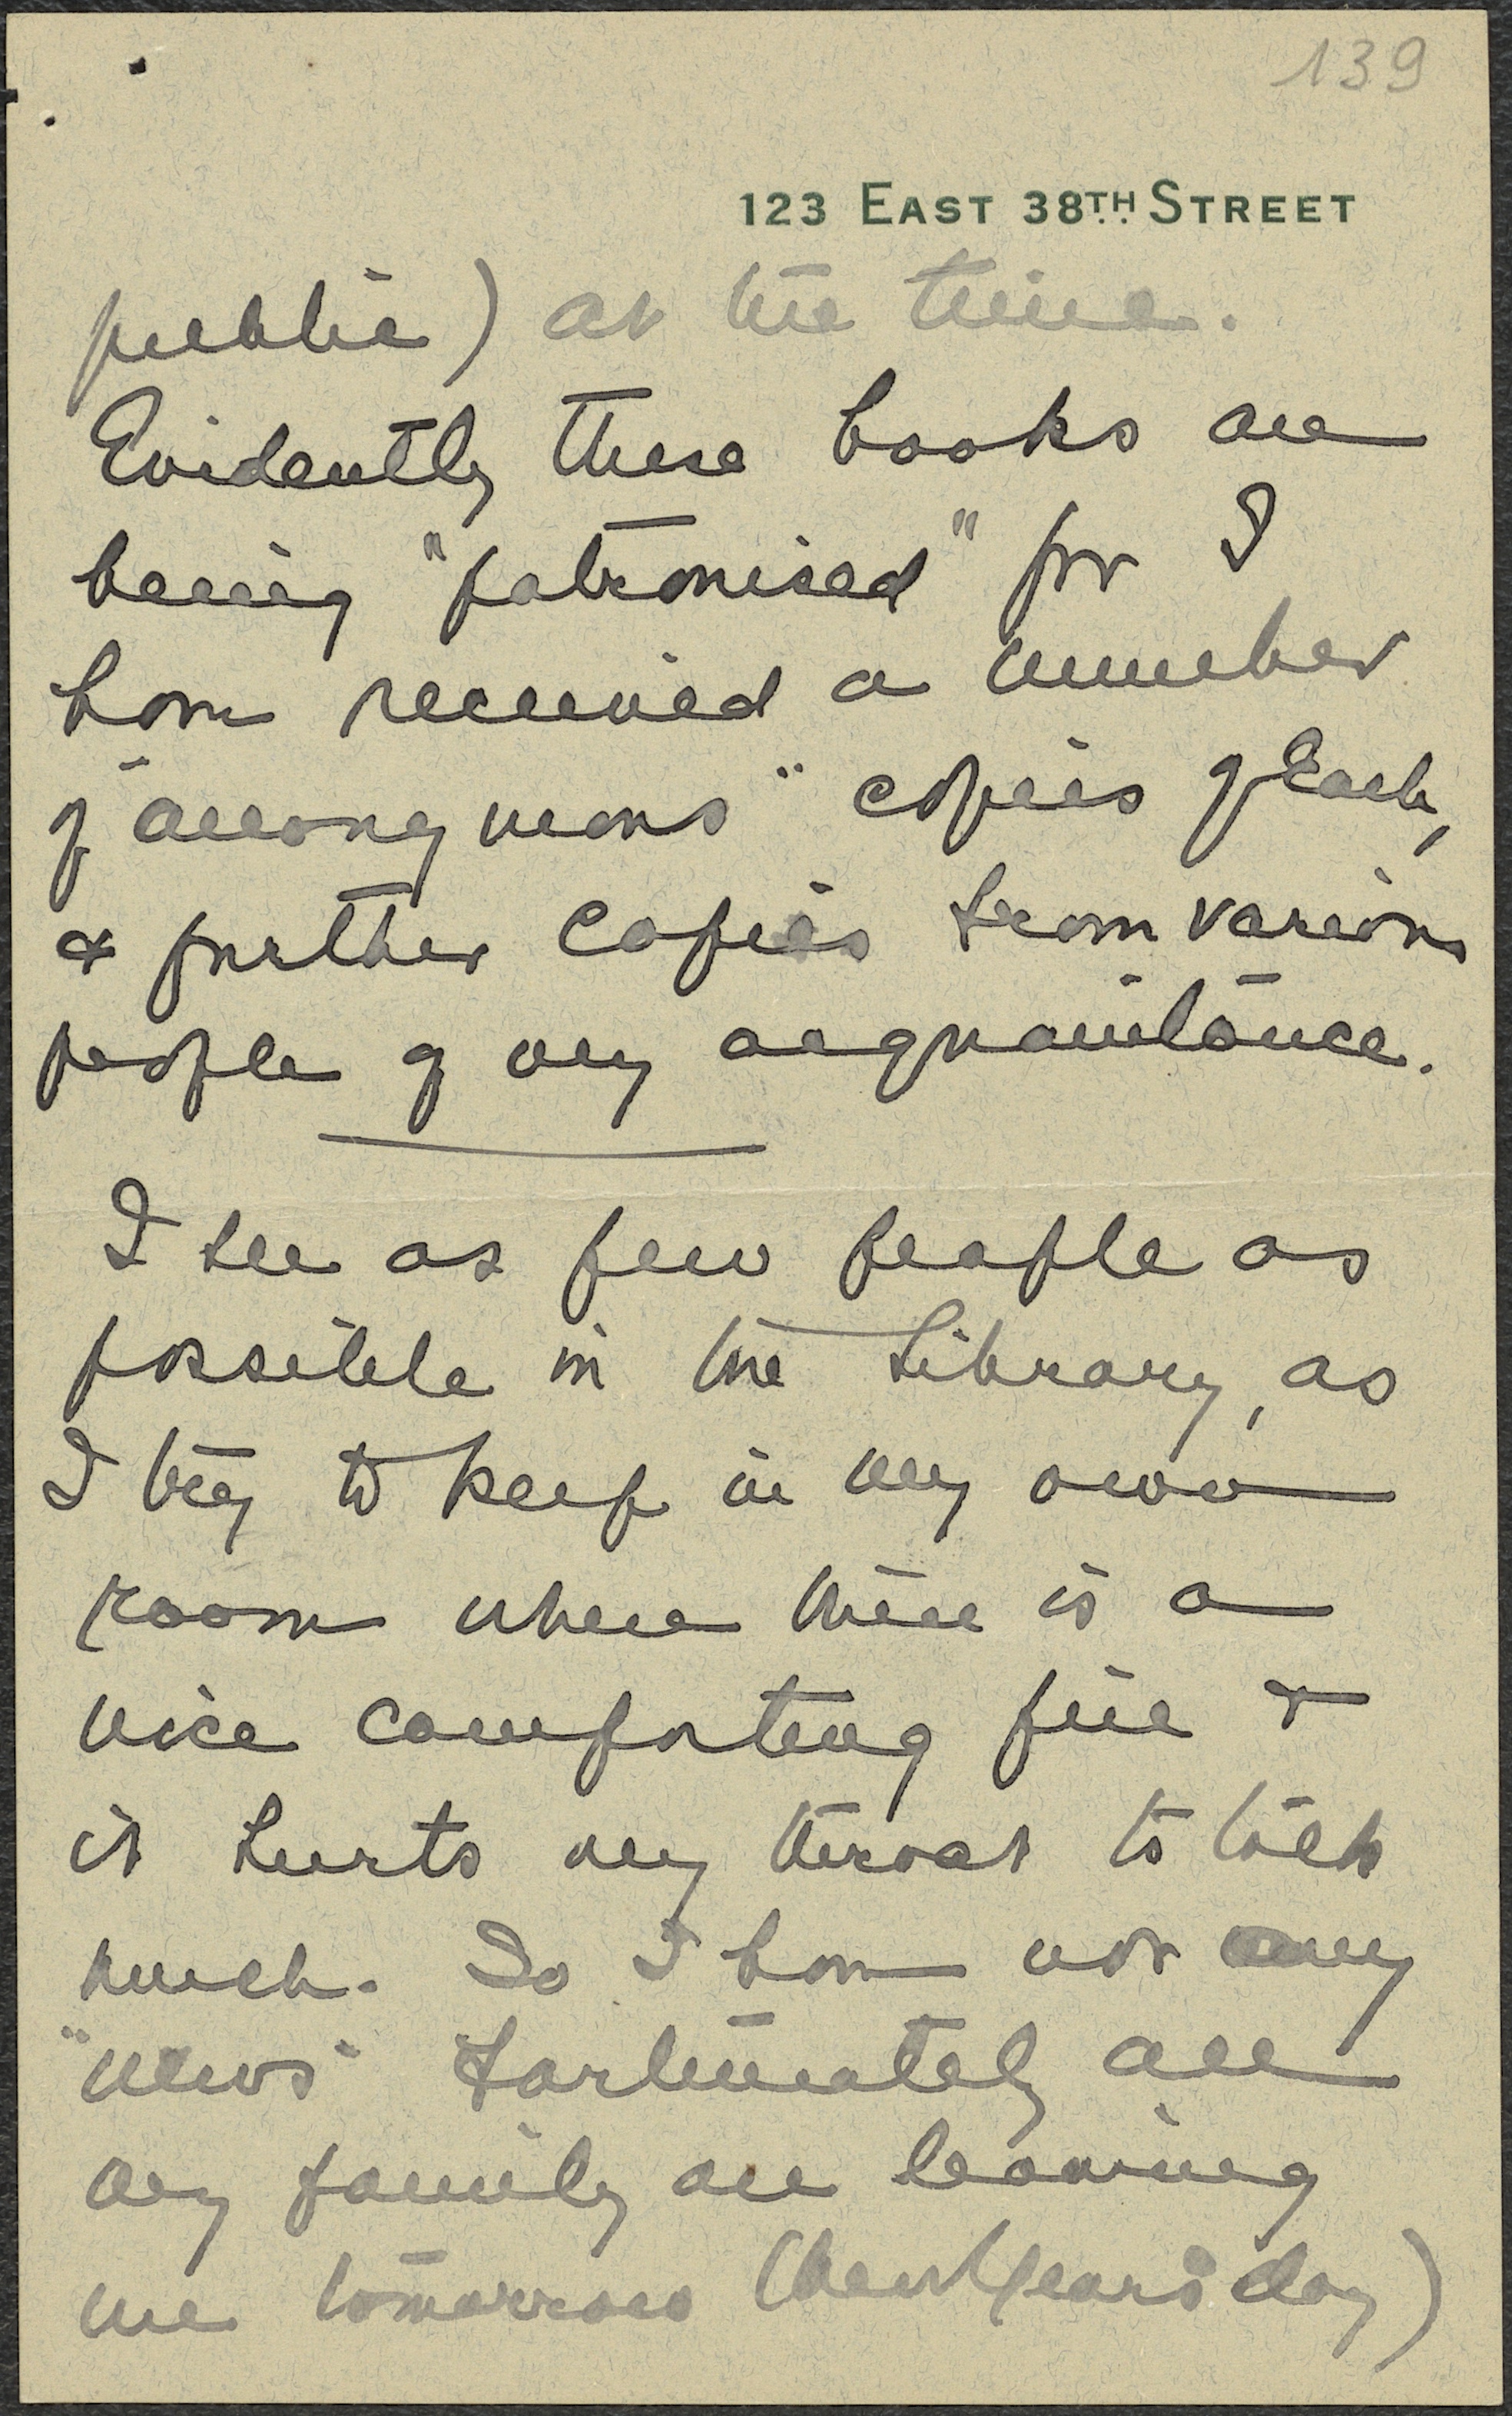public) at the time.
Evidently these books are being "patronised" for I have received a number of "anonymous" copies of each & further copies from various people of my acquaintance.
I see as few people as possible in the Library, as I try to keep in my own room where there is a nice comforting fire & it hurts my throat to talk much. So I have not any "news" Fortunately all my family are leaving me tomorrow (New Year's Day)